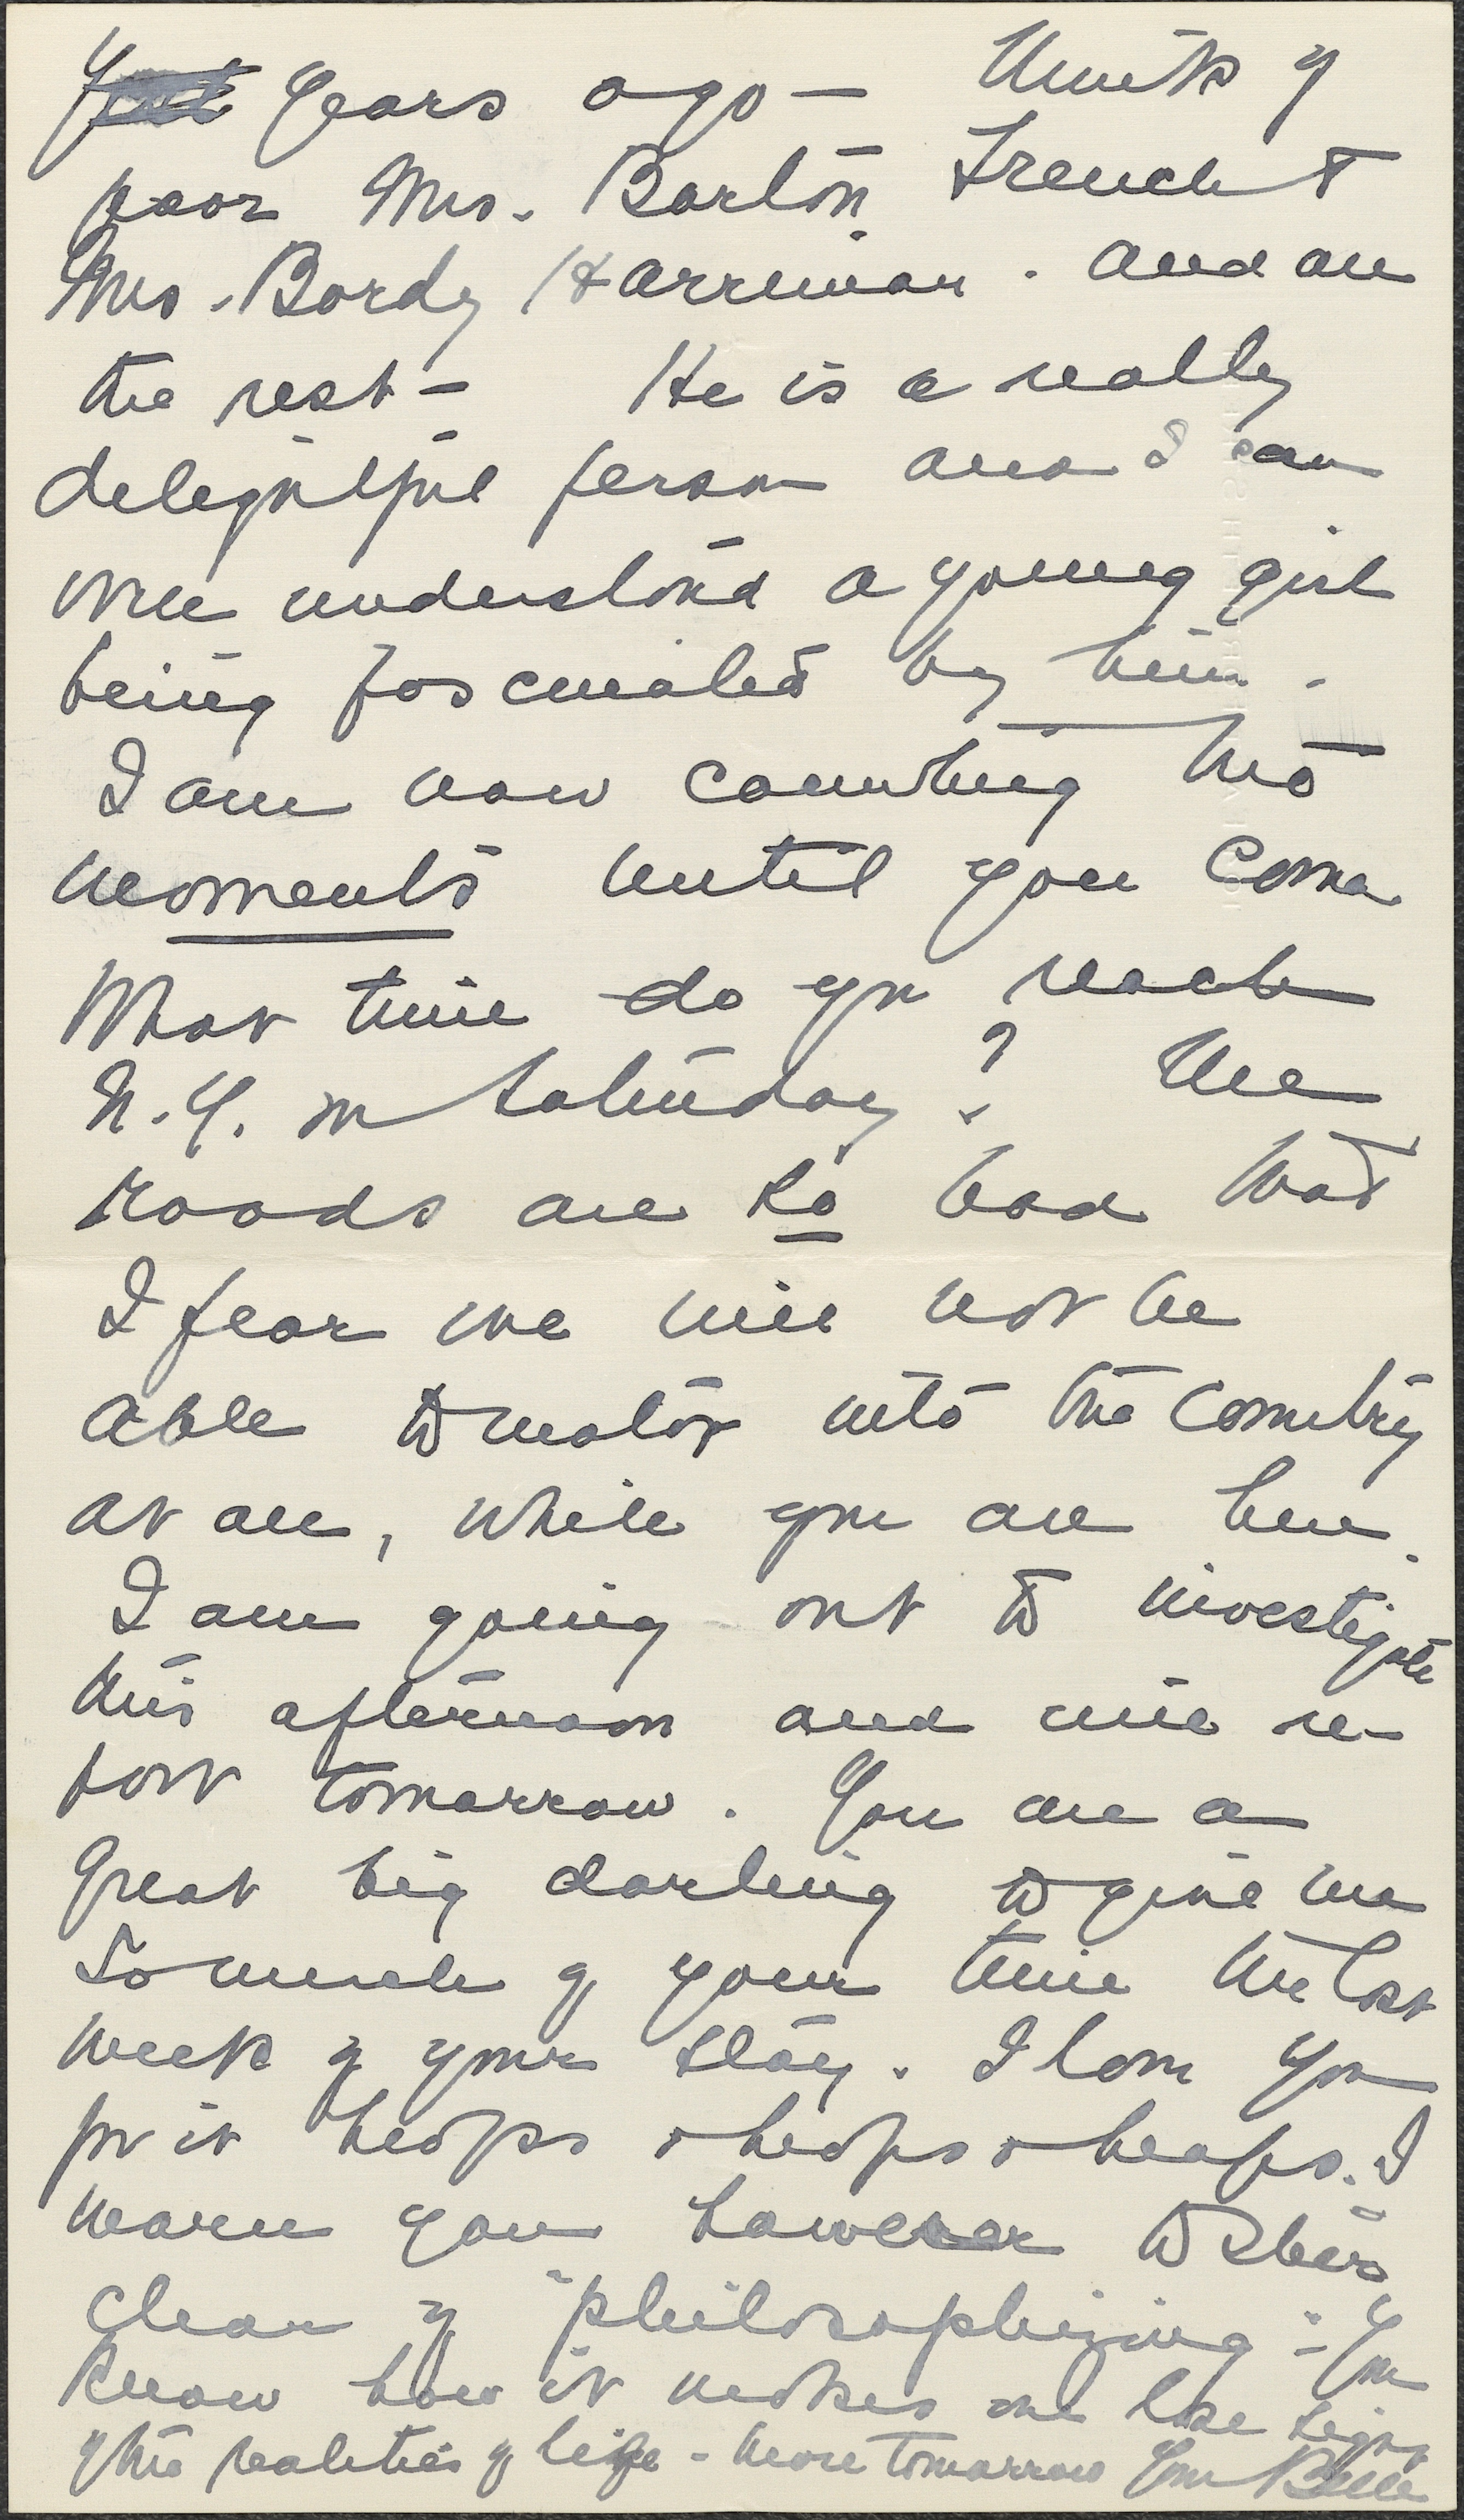yet years ago – think of poor Mrs. Barton French & Mrs. Bordy Harriman – and all the rest – He is a really delightful person and I can well understand a young girl being fascinated by him – I am now counting the moments until you come. What time do you reach N. Y. on Saturday? The roads are so bad that I fear we will not be able to motor into the country at all, while you are here. I am going out to investigate this afternoon and will report tomorrow. You are a great big darling to give me So much of your time the last week of your stay. I love you for it heaps & heaps & heaps. I warn you however to steer clear of “philosophizing” – You know how it makes one lose sight of the realities of life – more tomorrow Your Belle